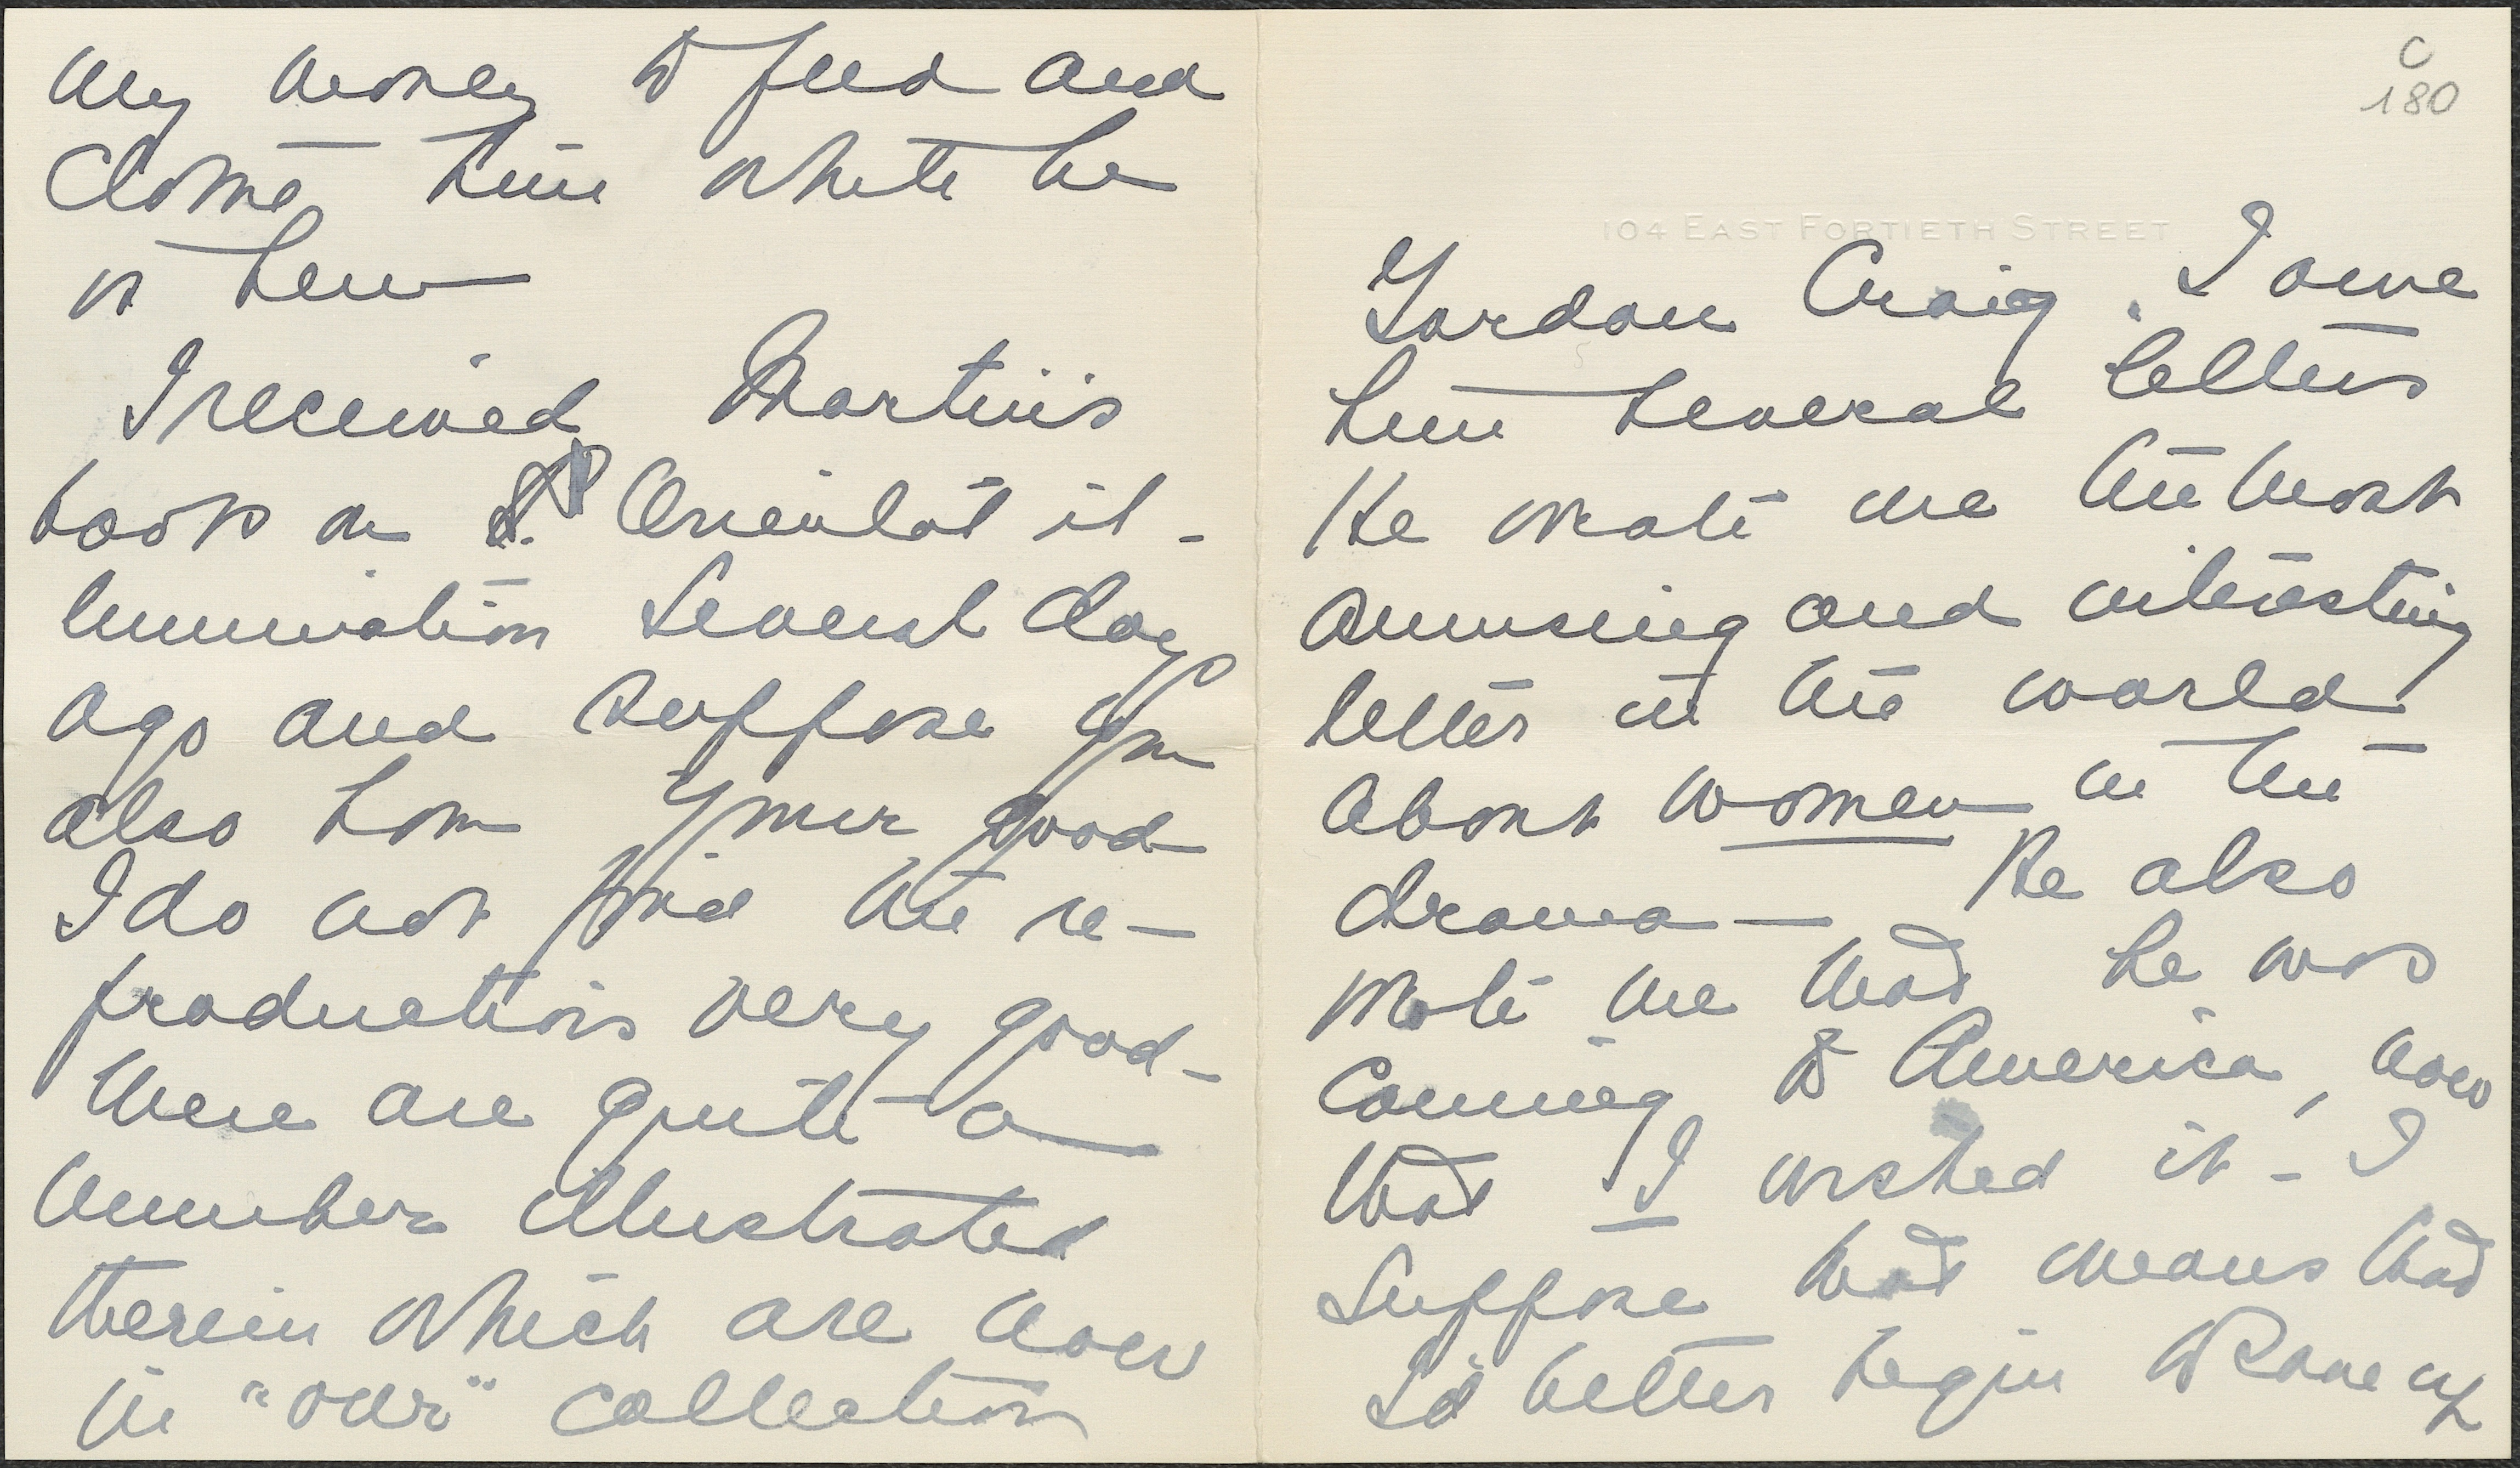Gordon Craig. I owe him several letters He wrote me the most amusing and interesting letter in the world about women in the drama – He also wrote me that he was coming to America, now that I wished it – I suppose that means that I’d better begin to save up
my money to feed and clothe him while he is here –
I received Martin’s book on P Oriental illumination several days ago and suppose you also have your good [?] – I do not find the reproductions very good – there are quite a number illustrated therein which are now in “our” collection